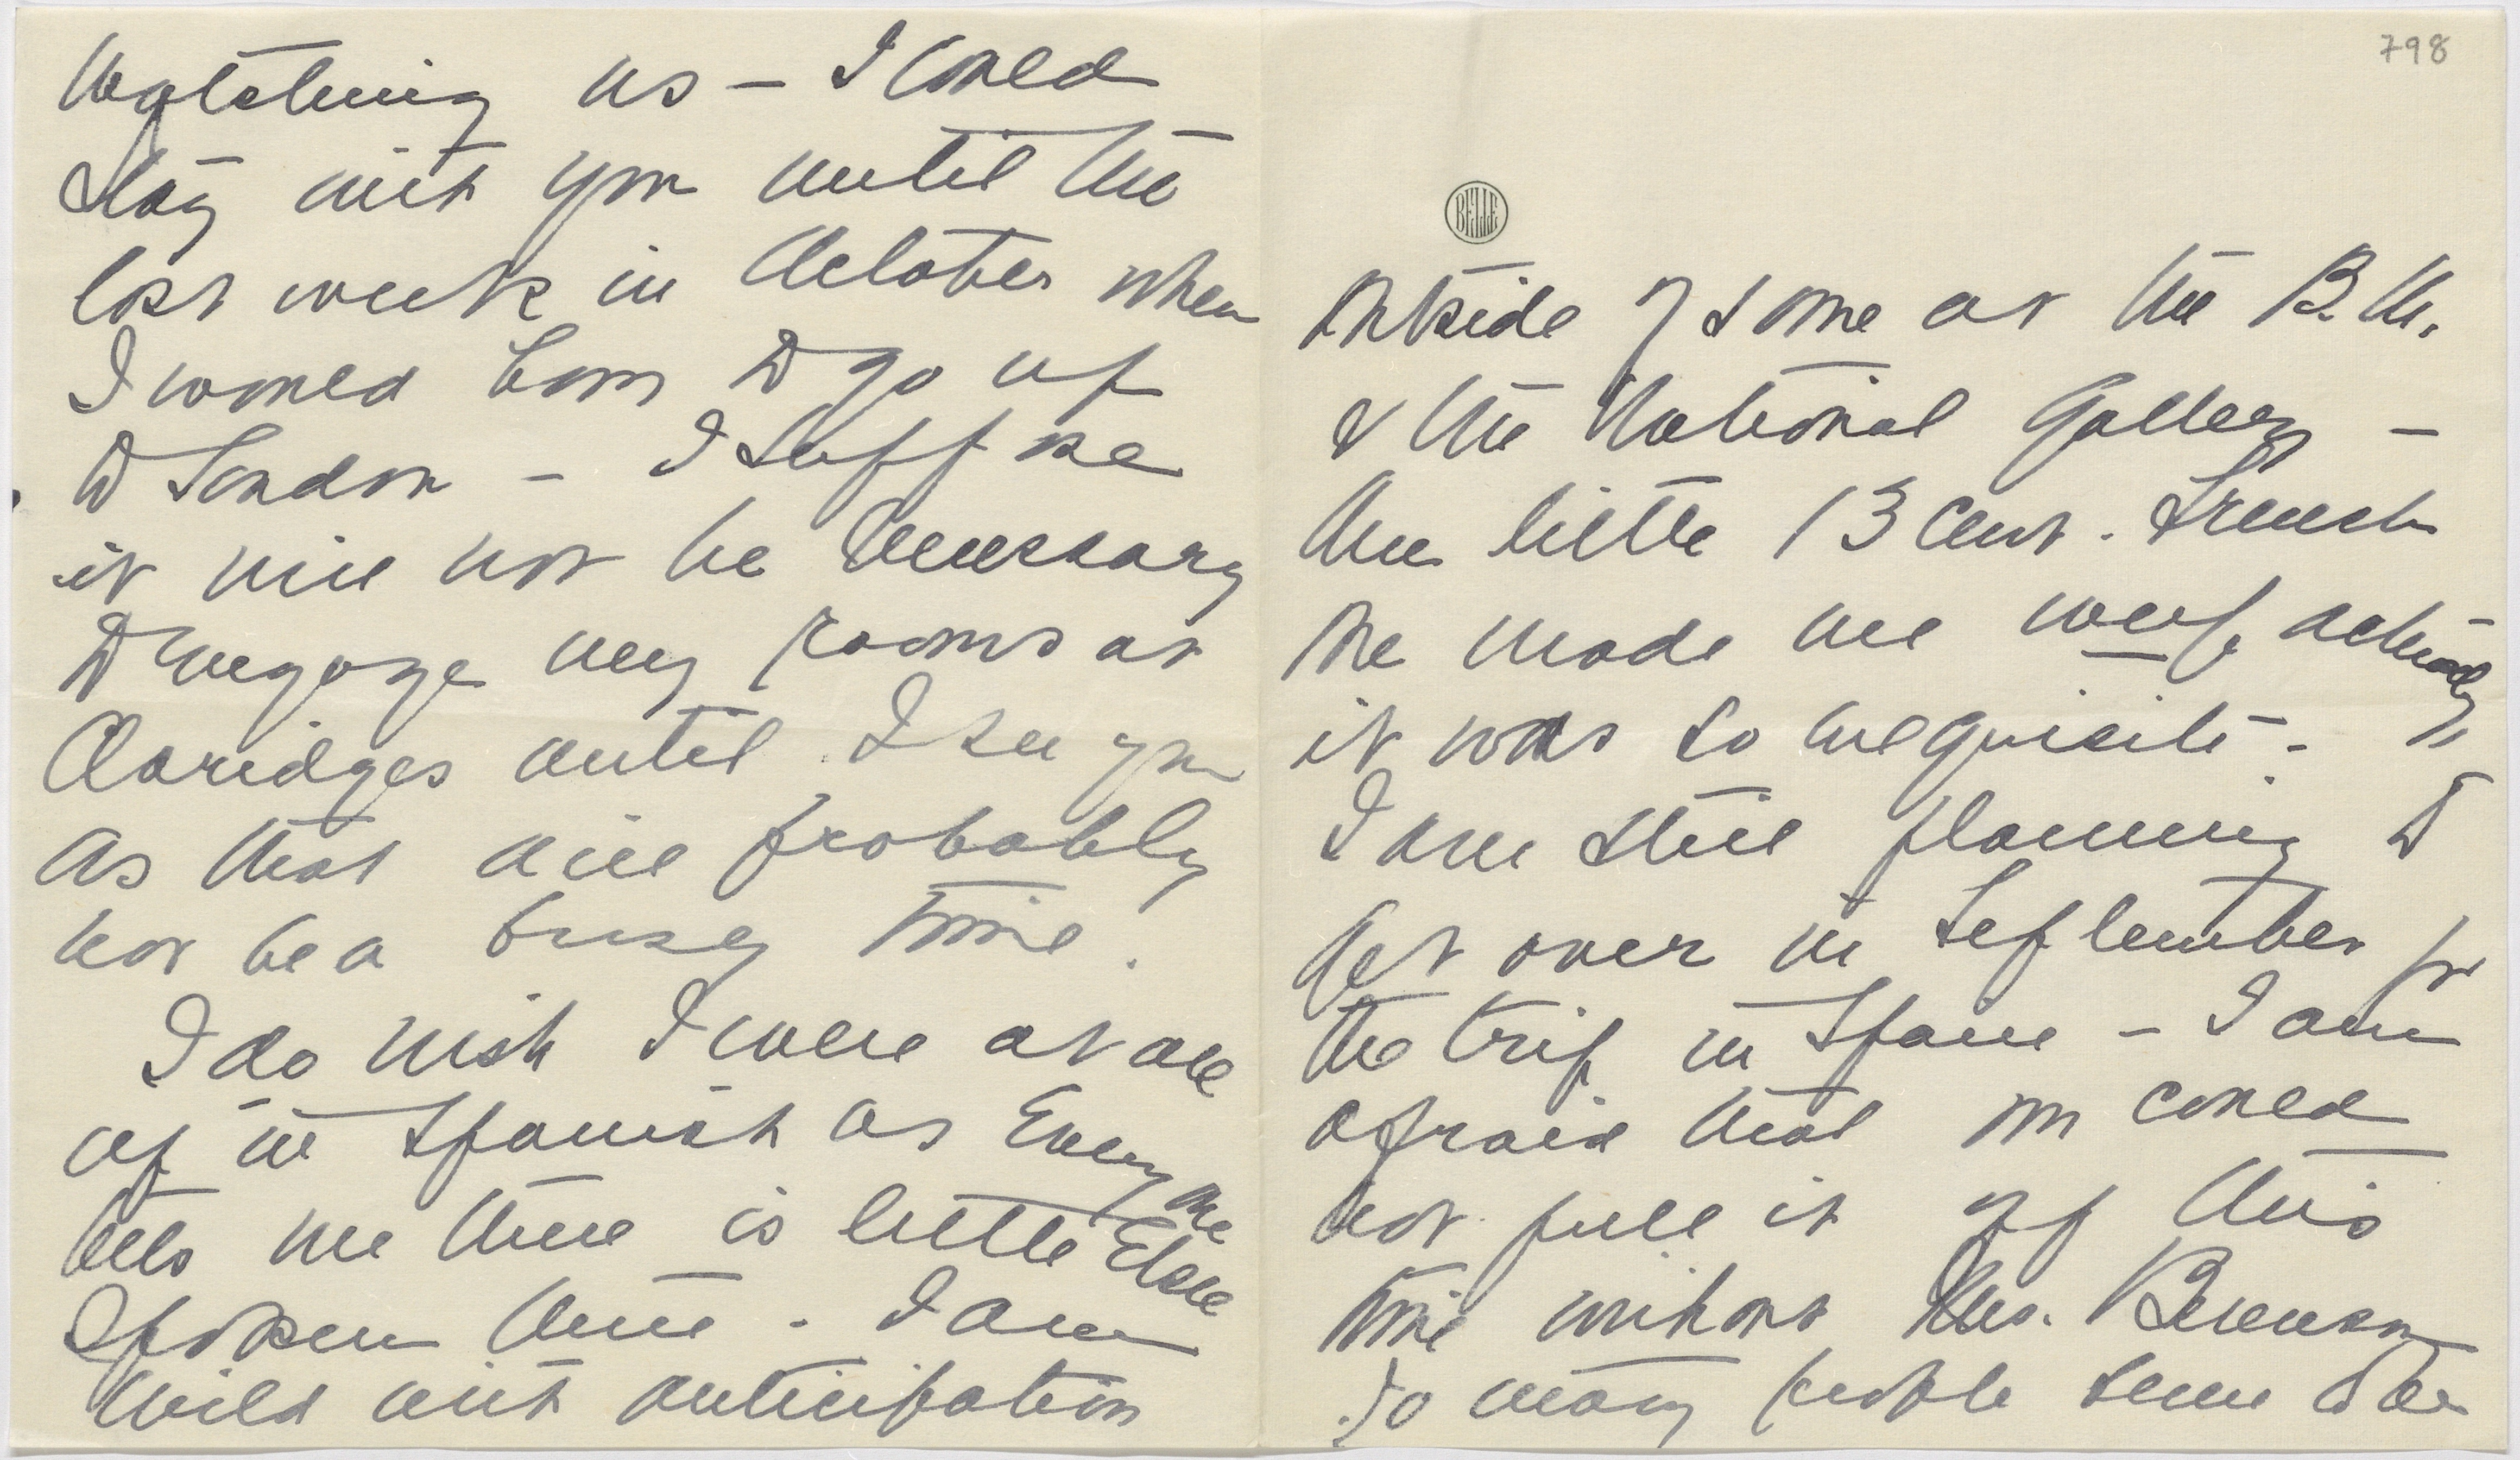outside of some at the B.M. & the National Gallery – Our little 13 cent. French one made me weep actually, it was so exquisite –
I am still planning to get over in September for the trip in Spain – I am afraid that we could not pull it off this time without Mrs. Berenson – so many people seem to be
Watching us – I could stay with you until the last week in October when I would have to go up to London – I suppose it will not be necessary to engage my rooms at Claridges until I see you as that will probably not be a busy time.
I do wish I were at all up in Spanish as every one tells me there is little else spoken there – I am wild with anticipation